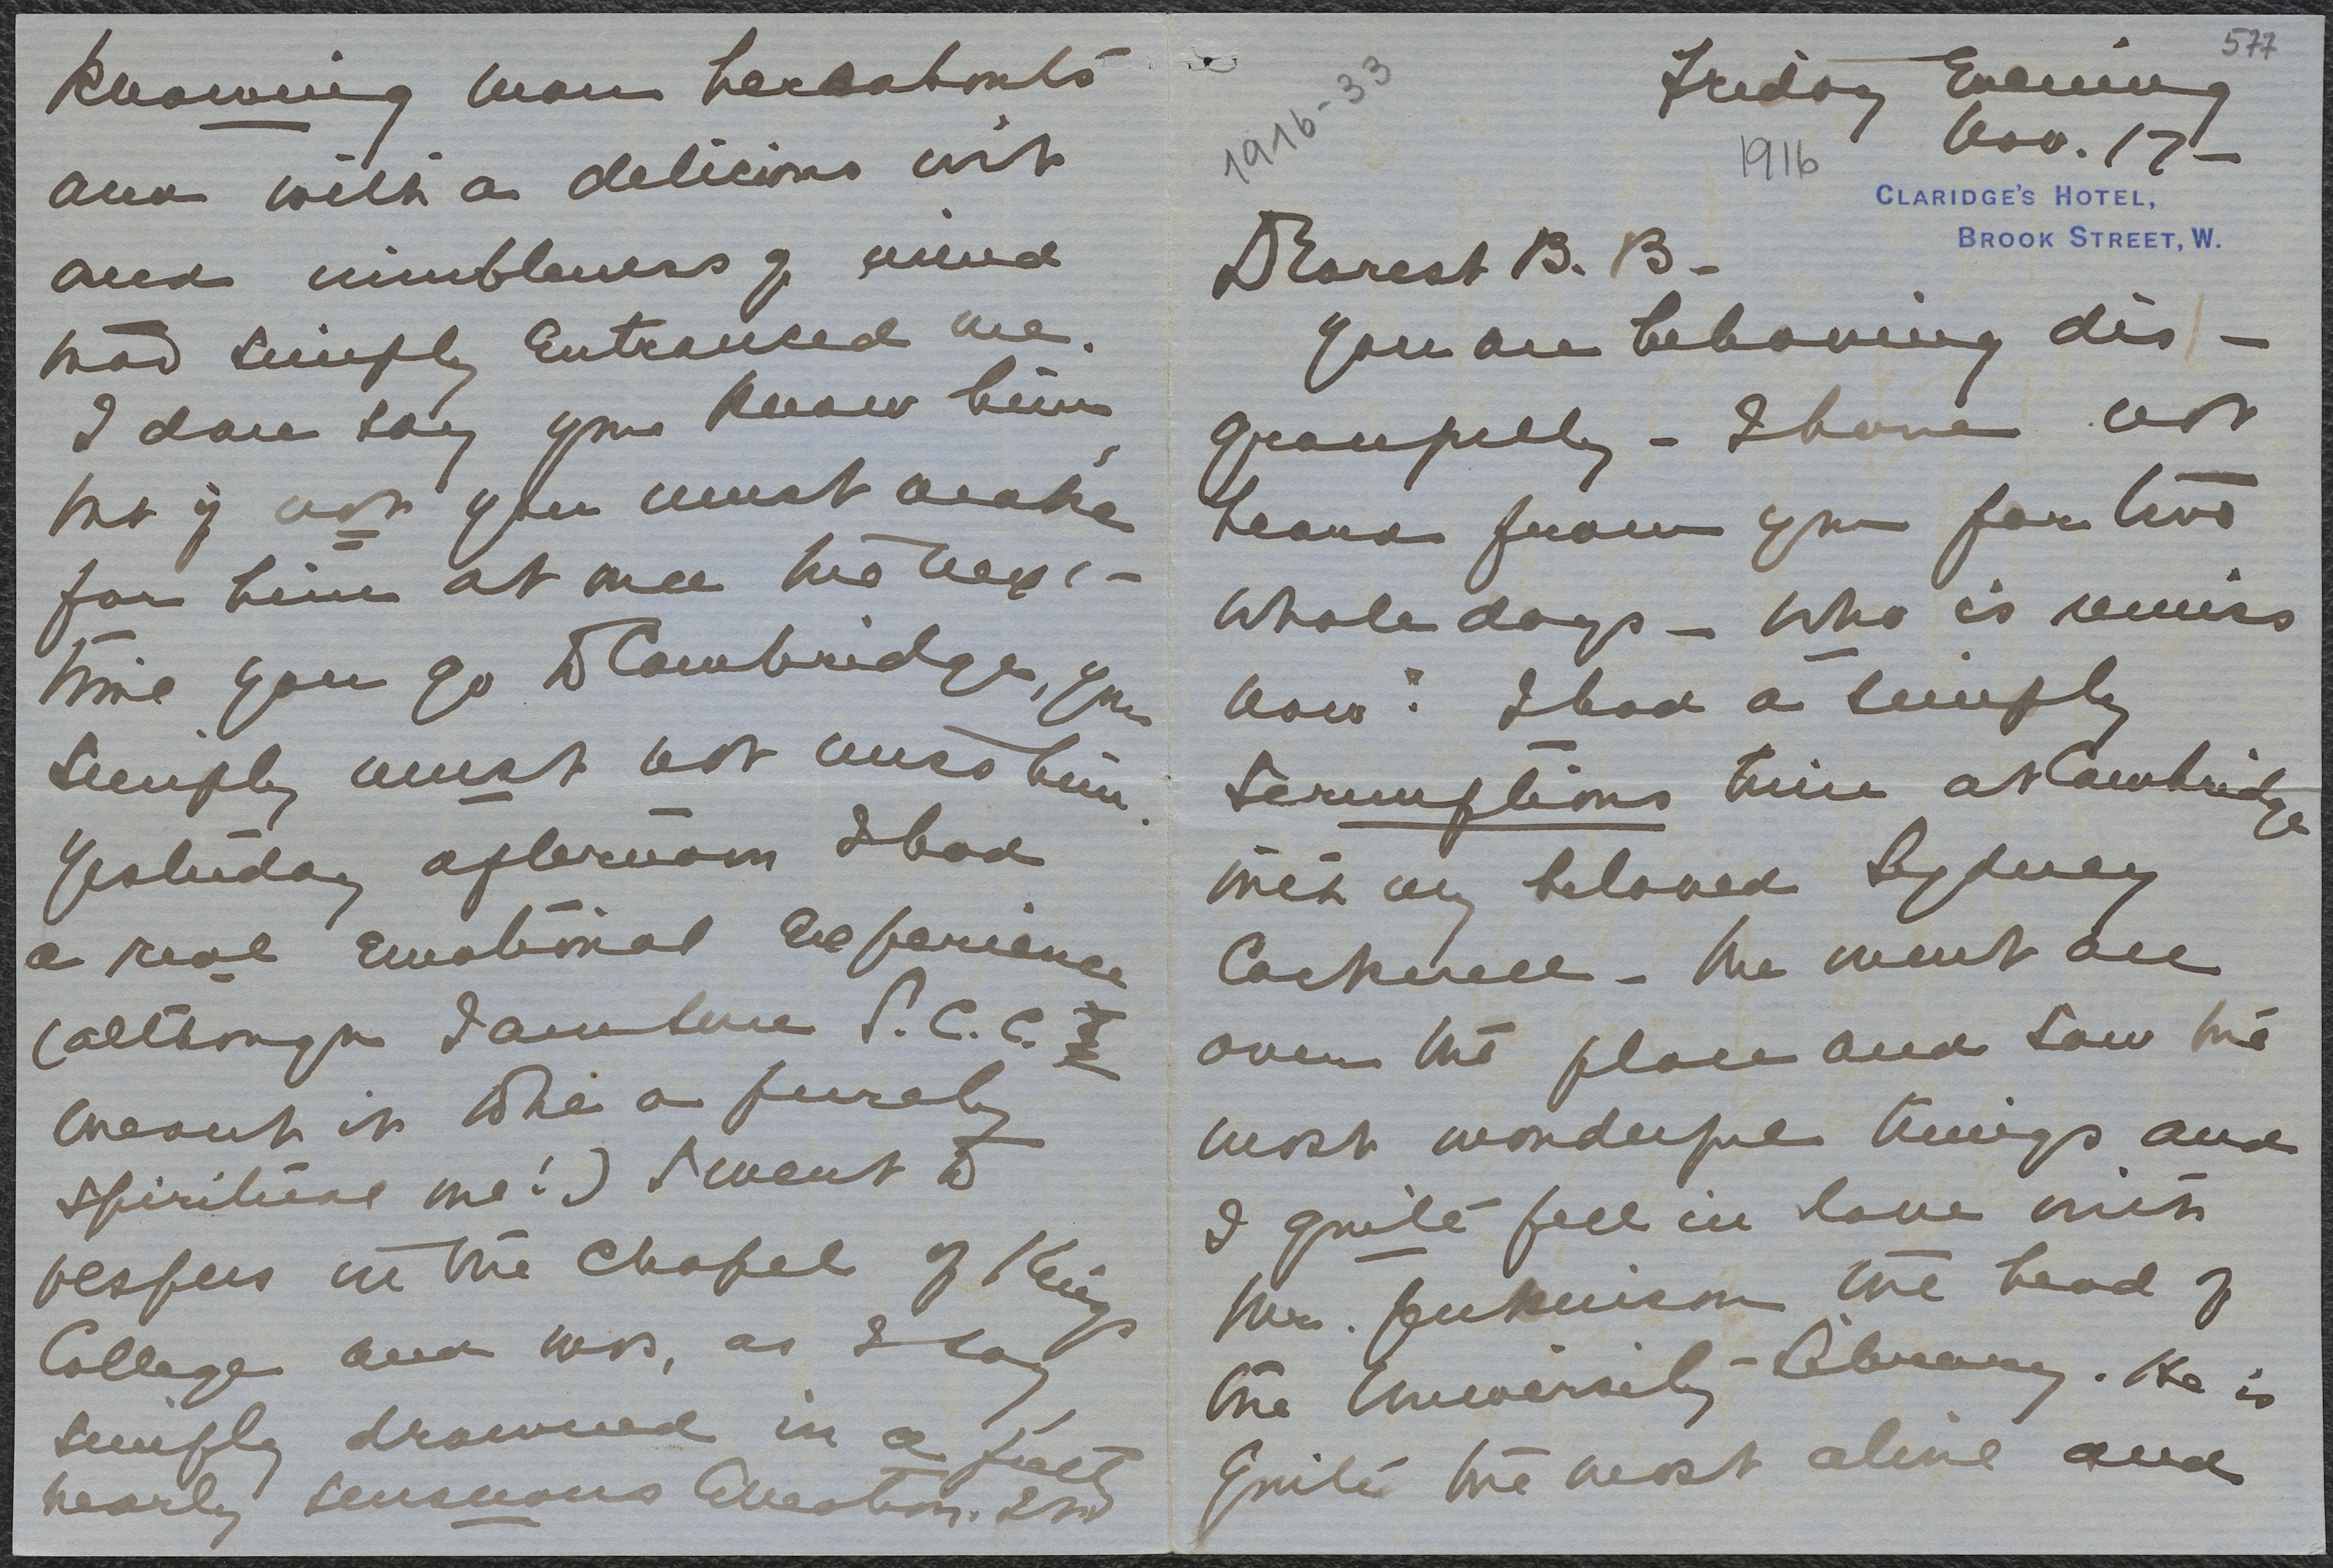Friday Evening
Nov. 17 –
Dearest B.B –
You are behaving disgracefully – I have not heard from you for two whole days – Who is remiss now? I had a simply scrumptious time at Cambridge with my beloved Sydney Cockerell – We went all over the place and saw the most wonderful things and I quite fell in love with Mr. Jenkinson the head of the University Library. He is quite the most alive and
knowing man hereabouts and with a delicious wit and nimbleness of mind that that simply entranced me. I dare say you know him, but if [double underlined: not] you must make for him at once the next time you go to Cambridge, you simply must not miss him. Yesterday afternoon I had a real emotional experience (although I am sure S. C. C. ) meant it to be a purely spiritual one!) I went to vespers in the Chapel of Kings College and was, as I say, simply drowned in a pretty nearly sensuous emotion. It